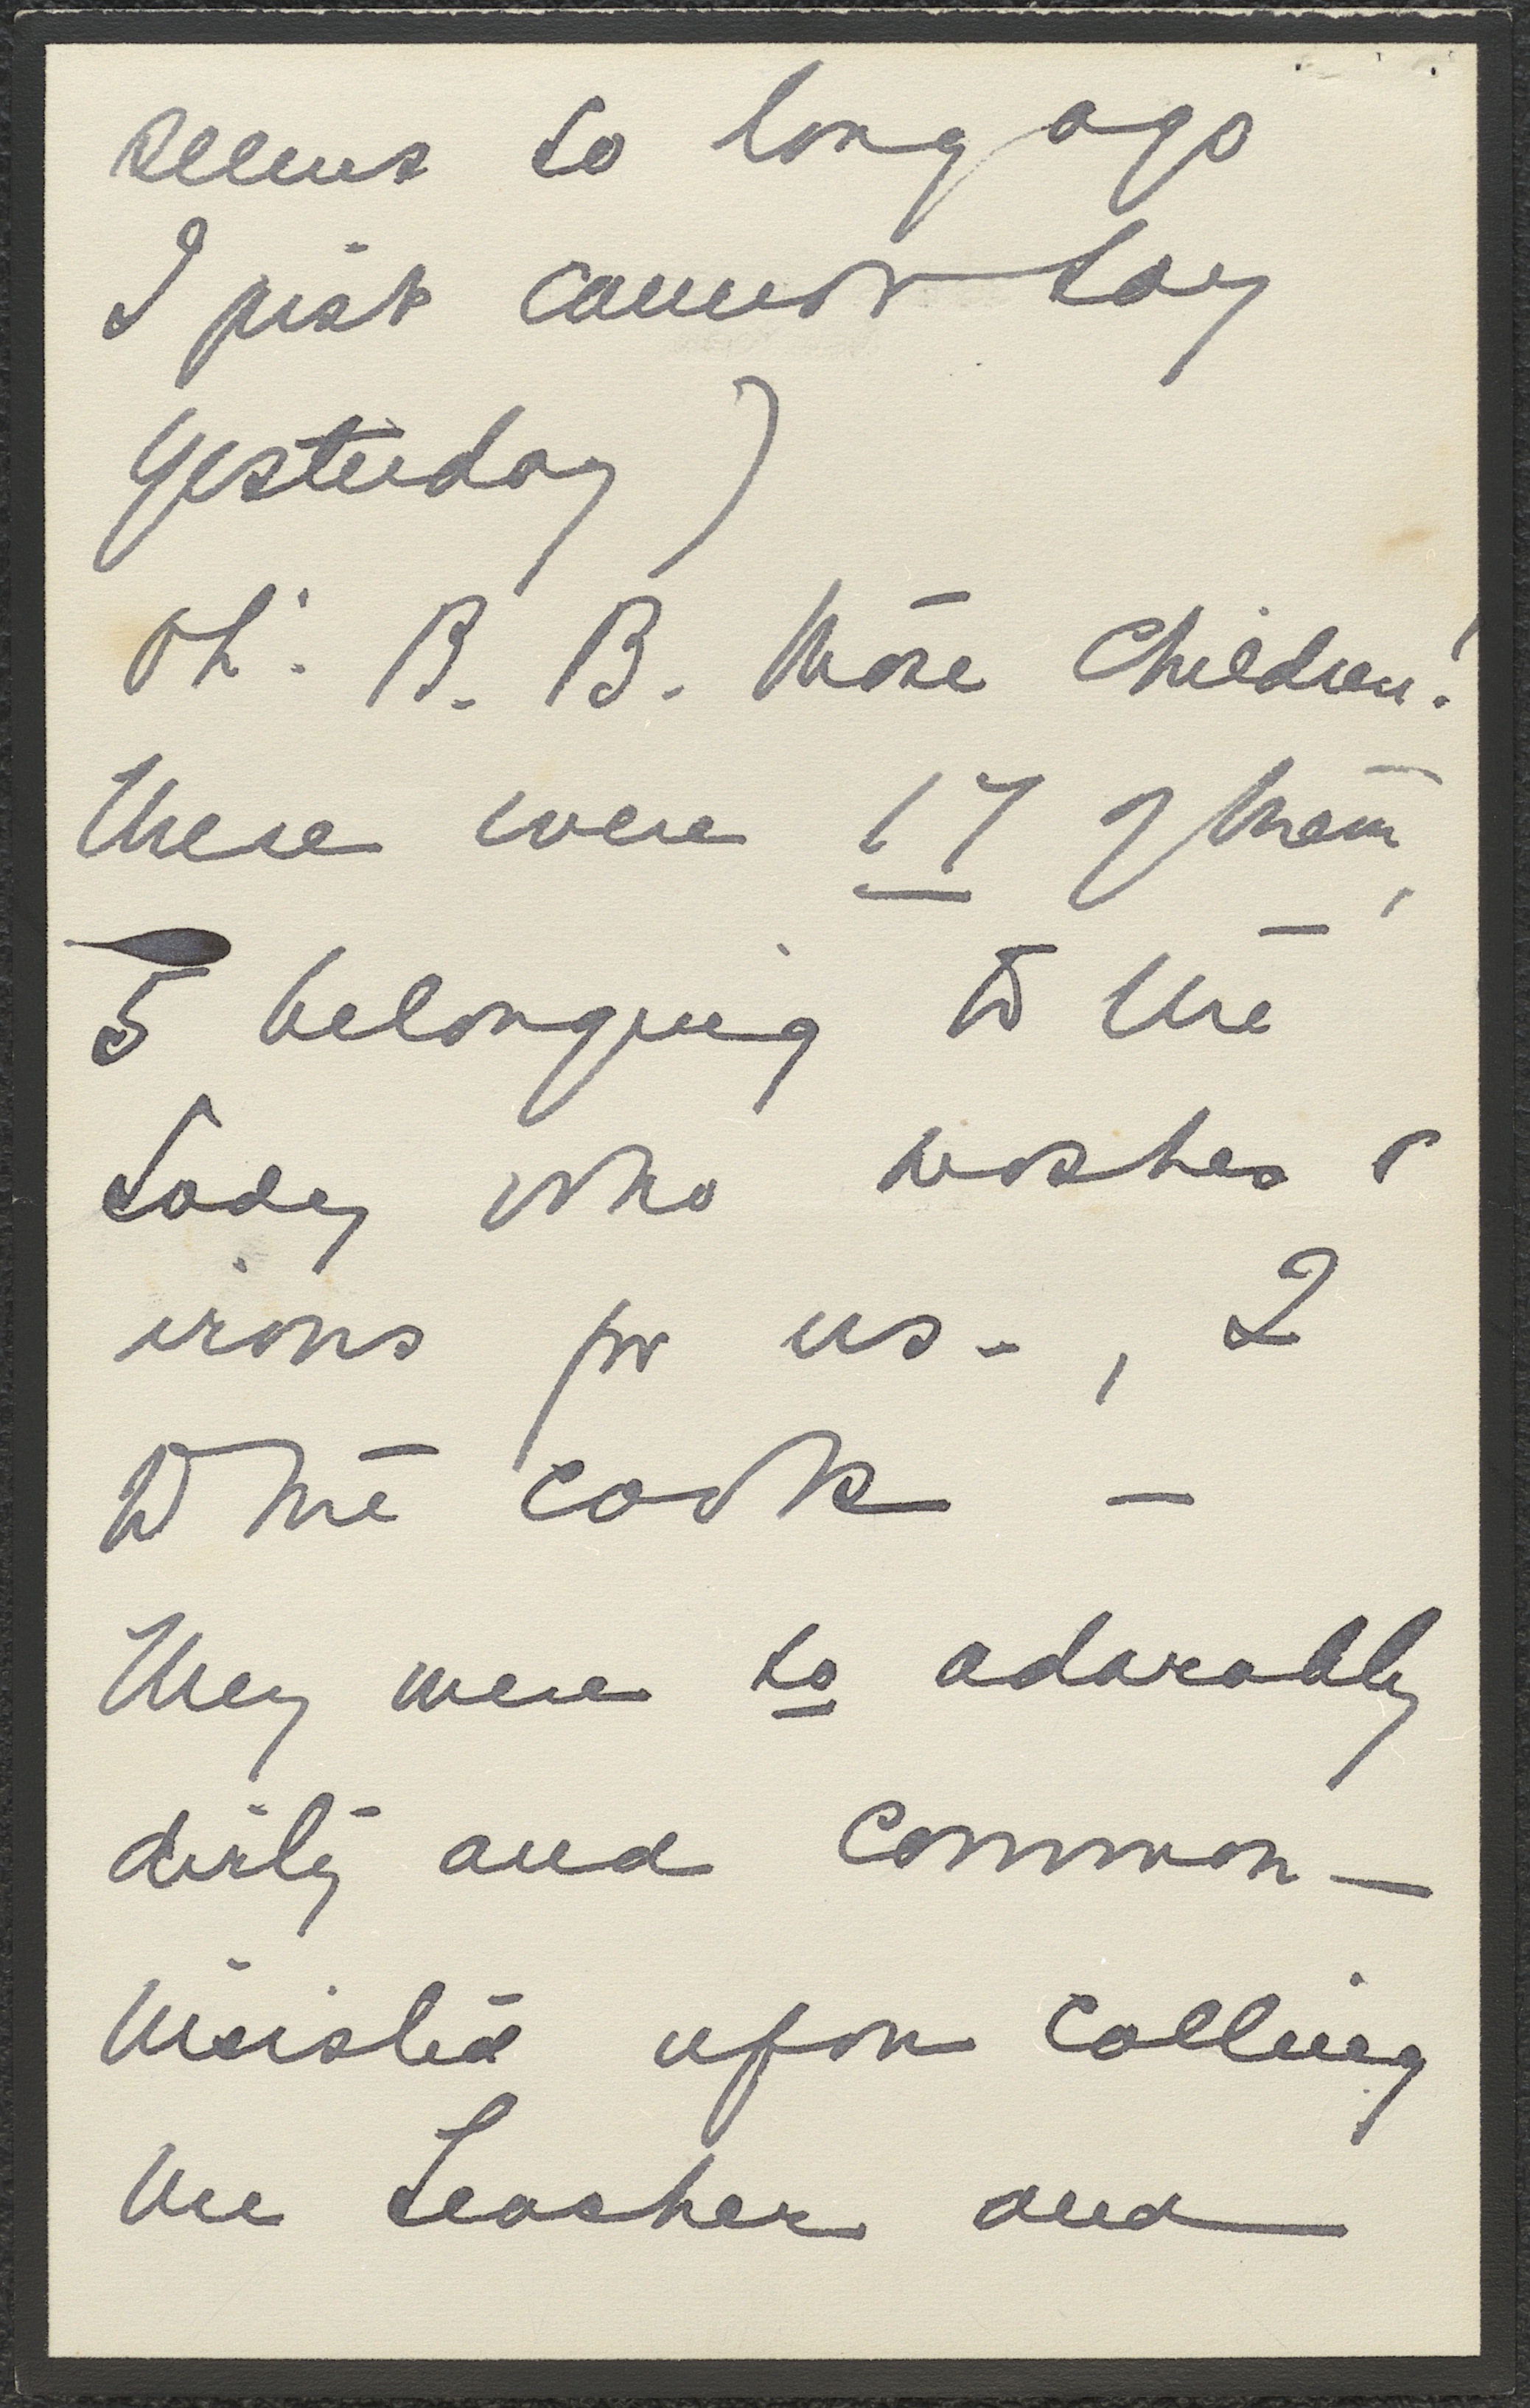seems so long ago I just cannot say yesterday)
Oh! B. B. more children! There were 17 of them, 5 belonging to the Lady who washes & irons for us – , 2 to the cook –
They were so adorably dirty and common – insisted upon calling me Teacher and